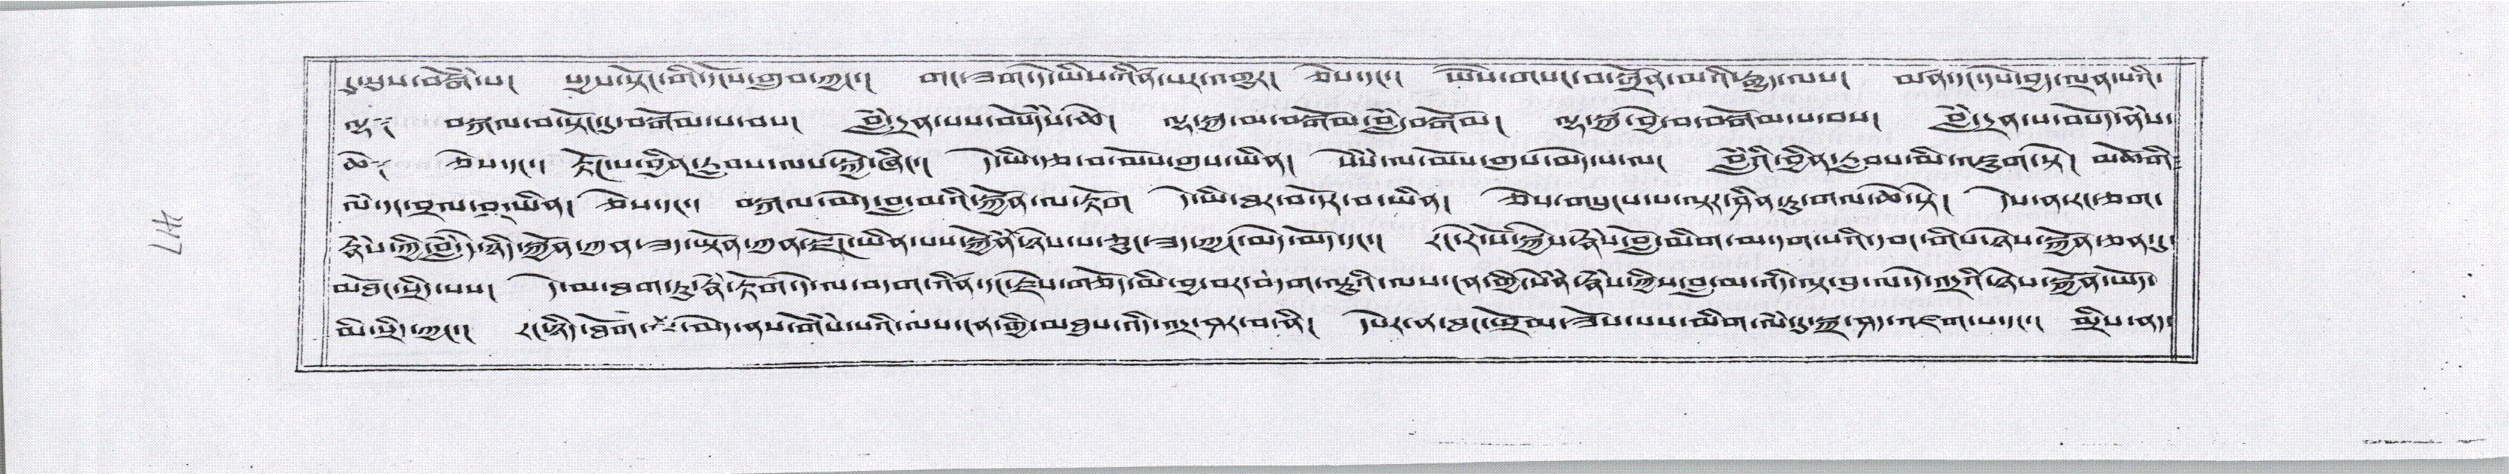དུ་སུས་བསྒོམ་པ། སངས་རྒྱས་སྟོང་གི་དངོས་གྲུབ་ཀྱང་། གང་ཟག་དེ་ཡིས་འཛིན་པར་འགྱུར། ཅེས་དང་། ཡེ་ཤེས་གསང་བ་སྒྲོན་མའི་རྒྱུད་ལས། མཚན་དང་དཔེ་བྱད་ལྡན་པའི་
ལྷ། བསྐལ་པ་སྟོང་དུ་བསྒོམ་པ་བས། བླ་མ་དྲན་པས་བསོད་ནམས་ཆེ། ལྷ་སྐུ་མ་བསྒོམས་བླ་མ་བསྒོམས། ལྷ་སྐུ་བྱེ་བ་བསྒོམས་པ་བས། བླ་མ་དྲན་པས་བསོད་ནམས་
ཆེ། ཅེས་དང་། རྟོགས་པ་བྱིན་རླབས་ལས་སྐྱེ་ཞིང་། དེ་ཡི་རྩ་བ་མོས་གུས་ཡིན། སེམས་ལ་མོས་གུས་མེད་པ་ལ། བླ་མའི་བྱིན་རླབས་མི་འཇུག་སྟེ། མཆོིག་གི་
ལམ་དང་བྲལ་བས་ཡིན། ཅེས་དང་། སྐལ་མེད་བླ་མའི་སྐྱོན་ལ་རྟོག དེ་ཡི་ཐར་པ་དོར་བ་ཡིན། ཅེས་གསུངས་པ་ལྟར་ཤིན་ཏུ་གལ་ཆེ་སྟེ། དེས་ན་རང་ཅག་
རྣམས་ཀྱི་བླ་མ་དེ་ཉིད་སྐྱོན་ཀུན་ཟད་ཡོན་ཏན་ཀུན་རྫོགས་ཡིན་པས་སྐྱོན་ནམ་ཉེས་པ་ཅུང་ཟད་ཀྱང་མེད་མོད་དང་། རང་རེ་སོ་སྐྱེ་རྣམས་བློ་མིག་མ་དག་པའི་དབང་གིས་ཉེས་སྐྱོན་ཅན་དུ་
མཐོང་སྲིད་པས། དེ་མ་ཐག་ཏུ་རྣམ་རྟོག་དེ་ལ་བདག་འཛིན་དང་རྗེས་གཅོད་མི་བྱ་བར་བདག་ལྟ་བུའི་ལས་ངན་གྱི་སེམས་ཅན་རྣམས་ཀྱིས་བླ་མ་འདི་ལྟ་བུ་ལ་དེ་འདྲའི་ཉེས་སྐྱོན་ཡོད་
མི་སྲིད་ཀྱང་། རང་ཉིད་ཐོག་མ་མེད་ནས་གོམས་པའི་ལས་ངན་གྱི་མཐུས་འདི་འདྲ་ཤར་བ་ནི། དཔེར་ན། ཐང་ཕྲོམ་ཟོས་པས་མིག་ལམ་དུ་སྐྲ་ཤད་འཛག་པ་དང་། མཁྲིས་ནད་